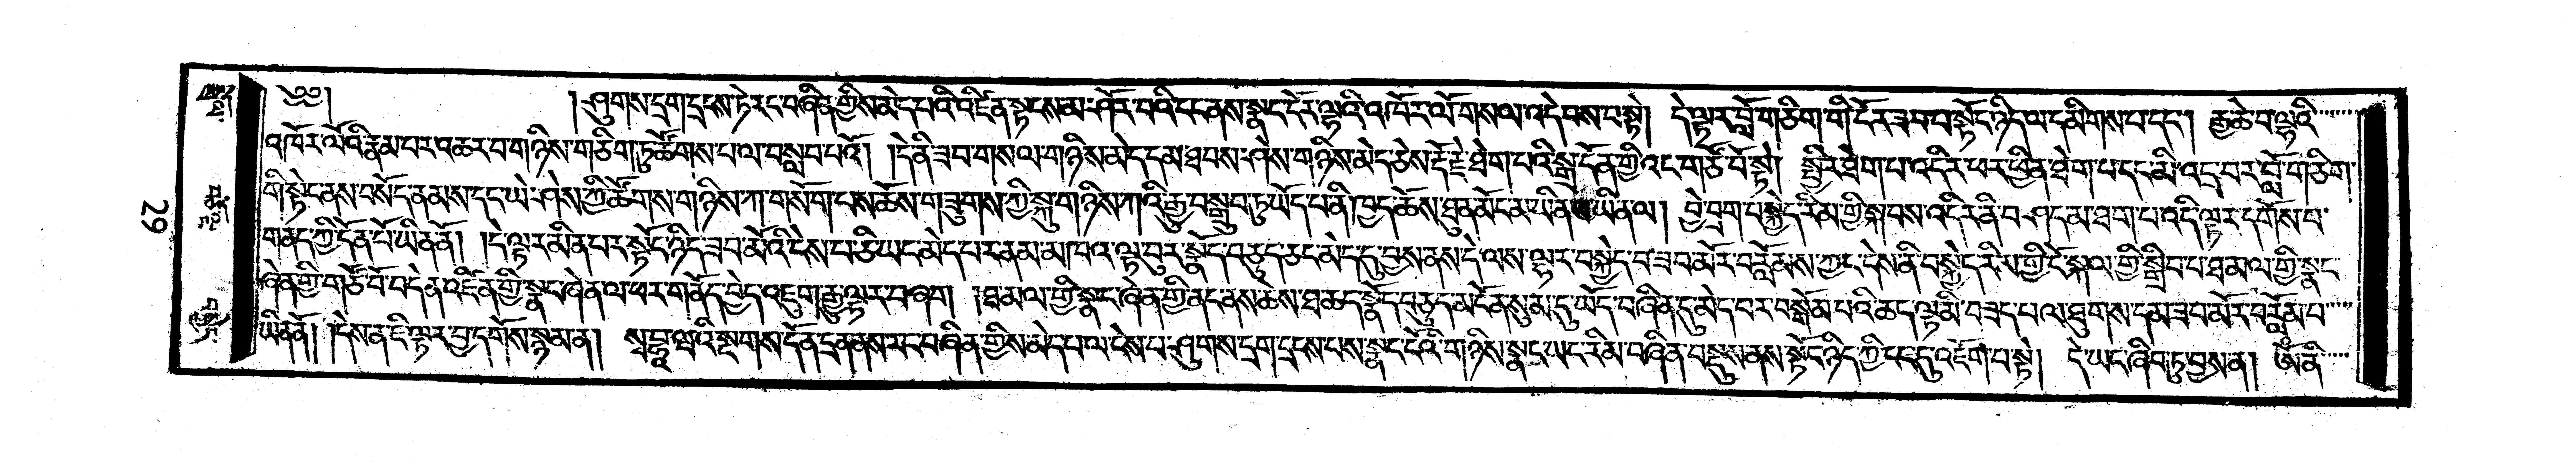༄༅། །ཤུགས་དྲག་དྲངས་ཏེ་རང་བཞིན་གྱིས་མེད་པའི་འཛིན་སྟངས་མ་ཤོར་བའི་ངང་ནས་སྣང་ངོར་ལྷའི་འཁོར་ལོ་གསལ་འདེབས་པ་སྟེ། དེ་ལྟར་བློ་གཅིག་གི་ངོར་ཟབ་པ་སྟོང་ཉིད་ལ་དམིགས་པ་དང་། རྒྱ་ཆེ་བ་ལྷའི་
འཁོར་ལོའི་རྣམ་པར་འཆར་བ་གཉིས་གཅིག་ཏུ་ཚོགས་པ་ལ་བསླབ་པའོ། །དེ་ནི་ཟབ་གསལ་གཉིས་མེད་དམ་ཐབས་ཤེས་གཉིས་མེད་ཅེས་རྡོ་རྗེ་ཐེག་པའི་སྒྲ་དོན་གྱིའང་གཙོ་བོ་སྟེ། སྤྱིར་ཐེག་པ་འདིར་ཕར་ཕྱིན་ཐེག་པ་དང་མི་འདྲ་བར་བློ་གཅིག་
གི་སྟེང་ནས་བསོད་ནམས་དང་ཡེ་ཤེས་ཀྱི་ཚོགས་གཉིས་ཀ་གསོག་པས་ཚེས་གཟུགས་ཀྱི་སྐུ་གཉིས་ཀའི་རྒྱུ་བསྒྲུབ་ཏུ་ཡོད་པ་ནི་ཁྱད་ཆོས་ཐུན་མོང་མ་ཡིན་པ་ཡིན་ལ། བྱེ་བྲག་བསྐྱེད་རིམ་གྱི་སྐབས་འདིར་ནི་བཤད་མ་ཐག་པ་འདི་ལྟར་དགོས་པ་
གནད་ཀྱི་དོན་པོ་ཡིན་ནོ། །དེ་ལྟར་མིན་པར་སྟོང་ཉིད་ཟབ་མོའི་ངེས་པ་ཅི་ཡང་མེད་པར་ནམ་མཁའ་ལྟ་བུར་སྣོད་བཅུད་ཅང་མེད་དུ་བྱས་ནས་དེ་ལས་ལྷར་བསྐྱེད་པ་ཟབ་མོར་བརློམས་ཀྱང་དེས་ནི་བསྐྱེད་རིམ་གྱི་ངོ་སྐལ་གྱི་སྒྲིབ་པ་ཐ་མལ་གྱི་སྣང་
ཞེན་གྱི་གཙོ་བོ་བདེན་འཛིན་གྱི་སྣང་ཞེན་ལ་ཕར་གནོད་བྱེད་འཇུག་རྒྱུ་ལྟ་ཞོག །ཐ་མལ་གྱི་སྣང་ཞེན་གྱི་ནང་ནས་ཆོས་ཐ་ཆད་སྣོད་བཅུད་མངོན་སུམ་དུ་ཡོད་བཞིན་དུ་མེད་པར་བསྒོམ་པའི་ཆད་ལྟ་མི་བཟད་པ་ལ་ཐུགས་དམ་ཟབ་མོར་བརློམ་པ་
ཡིན་ནོ། །དེས་ན་ཇི་ལྟར་བྱ་དགོས་སྙམ་ན། སྭབྷཱ་ཝའི་སྔགས་དོན་དྲན་ནས་རང་བཞིན་གྱིས་མེད་པ་ལ་ངེས་པ་ཤུགས་དྲག་དྲངས་པས་སྣང་ངོའི་གཉིས་སྣང་ཡང་རིམ་བཞིན་བསྡུས་ནས་སྟོང་ཉིད་ཀྱི་ངང་དུ་འཇོག་པ་སྟེ། དེ་ཡང་ཞིབ་ཏུ་བྱས་ན། ཨོཾ་ནི་